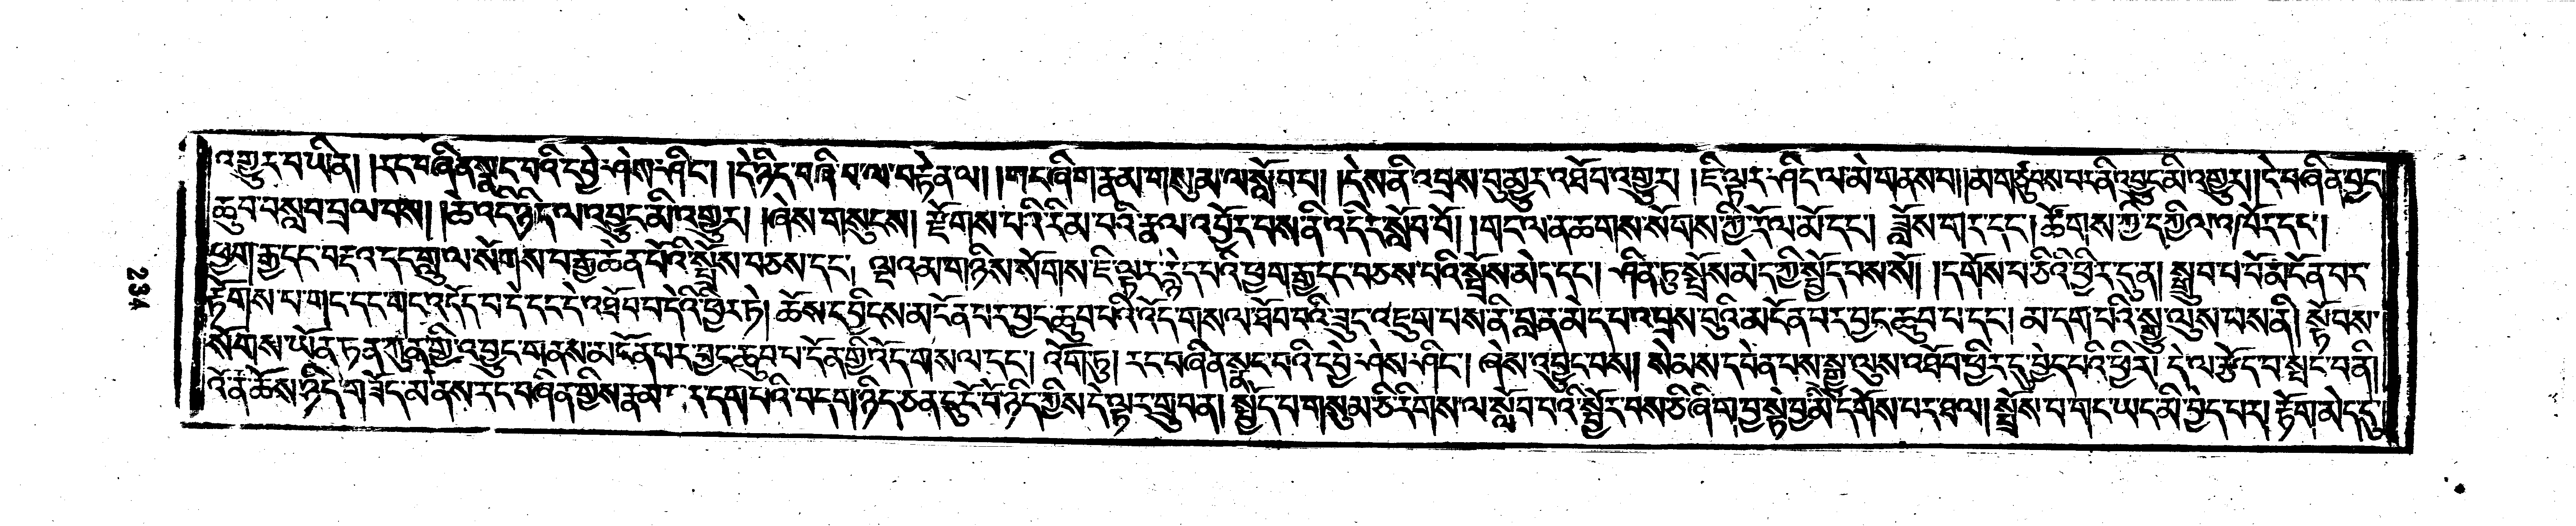འགྱུར་བ་ཡིན། །རང་བཞིན་སྣང་བའི་དབྱེ་ཤེས་ཤིང་། །དེ་ཉིད་བཞི་པ་ལ་བརྟེན་ལ། །གང་ཞིག་རྣམ་གསུམ་ལ་སློབ་པ། །དེས་ནི་འབྲས་བུ་མྱུར་འཐོབ་འགྱུར། །ཇི་ལྟར་ཤིང་ལ་མེ་གནས་པ། །མ་གཙུབས་པར་ནི་འབྱུང་མི་འགྱུར། །དེ་བཞིན་བྱང་
ཆུབ་བསླབ་བྲལ་བས། །ཆེ་འདི་ཉིད་ལ་འབྱུང་མི་འགྱུར། །ཞེས་གསུངས། རྫོགས་པའི་རིམ་པའི་རྣལ་འབྱོར་པས་ནི་འདིར་སློབ་བོ། །གང་ལ་ན་ཆགས་སོགས་ཀྱི་རོལ་མོ་དང་། ཟློས་གར་དང་། ཚོགས་ཀྱི་དཀྱིལ་འཁོར་དང་།
ཕྱག་རྒྱ་དང་བརྡའ་དང་གླུ་ལ་སོགས་པ་རྒྱ་ཆེན་པོའི་སྤྲོས་བཅས་དང་། ལྔའམ་གཉིས་སོགས་ཇི་ལྟར་རྙེད་པའི་ཕྱག་རྒྱ་དང་བཅས་པའི་སྤྲོས་མེད་དང་། ཤིན་ཏུ་སྤྲོས་མེད་ཀྱི་སྤྱོད་པས་སོ། །དགོས་པ་ཅིའི་ཕྱིར་དུ་ན། སྒྲུབ་པ་པོ་མངོན་པར་
རྟོགས་པ་གང་དང་གང་འདོད་པ་དེ་དང་དེ་འཐོབ་པ་དེའི་ཕྱིར་ཏེ། ཆོས་དབྱིངས་མངོན་པར་བྱང་ཆུབ་པའི་འོད་གསལ་ཐོབ་པའི་ཟུང་འཇུག་པས་ནི་བླ་ན་མེད་པ་འབྲས་བུའི་མངོན་པར་བྱང་ཆུབ་པ་དང་། མ་དག་པའི་སྒྱུ་ལུས་པས་ནི། སྟོབས་
སོགས་ཡོན་ཏན་ཀུན་གྱི་འབྱུང་གནས་མངོན་པར་བྱང་ཆུབ་པ་དོན་གྱི་འོད་གསལ་དང་། འོག་ཏུ། རང་བཞིན་སྣང་བའི་དབྱེ་ཤེས་ཤིང་། ཞེས་འབྱུང་བས། སེམས་དབེན་པས་སྒྱུ་ལུས་འཐོབ་ཕྱིར་དུ་བྱེད་པའི་ཕྱིར། དེ་ལ་རྩོད་པ་སྤང་བ་ནི།
འོ་ན་ཆོས་ཉིད་གཟོད་མ་ནས་རང་བཞིན་གྱིས་རྣམ་པར་དག་པའི་བདག་ཉིད་ཅན་དུ་ངོ་བོ་ཉིད་ཀྱིས་དེ་ལྟར་གྲུབ་ན། སྤྱོད་པ་གསུམ་ཅི་རིགས་ལ་སློབ་པའི་སྦྱོར་བས་ཅི་ཞིག་བྱ་སྟེ་བྱ་མི་དགོས་པར་ཐལ། སྤྲོས་པ་གང་ཡང་མི་བྱེད་པར། རྟོག་མེད་དུ་